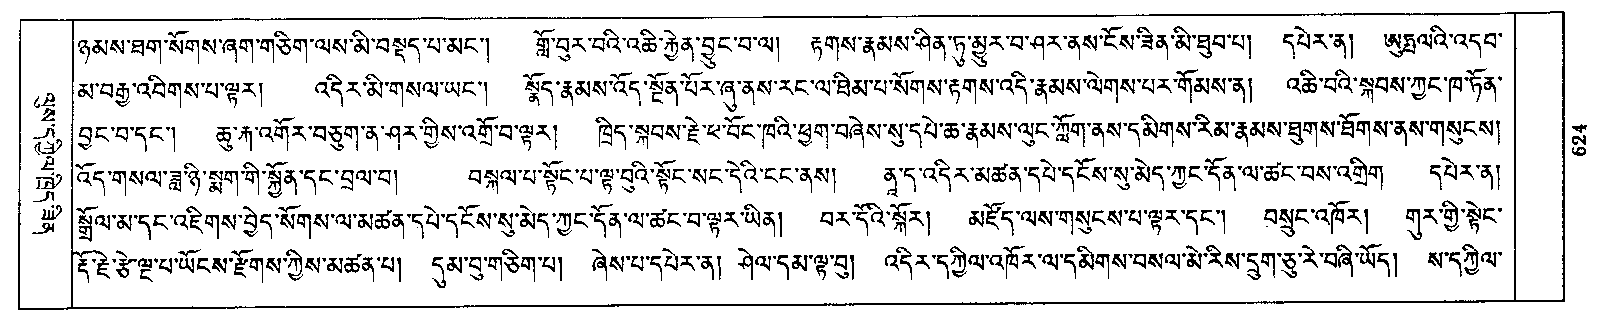ཉམས་ཐག་སོགས་ཞག་གཅིག་ལས་མི་བསྡད་པ་མང་། གློ་བུར་བའི་འཆི་རྐྱེན་བྱུང་བ་ལ། རྟགས་རྣམས་ཤིན་ཏུ་མྱུར་བ་ཤར་ནས་ངོས་ཟིན་མི་ཐུབ་པ། དཔེར་ན། ཨུཏྤལའི་འདབ་
མ་བརྒྱ་འབིགས་པ་ལྟར། འདིར་མི་གསལ་ཡང་། སྣོད་རྣམས་འོད་སྔོན་པོར་ཞུ་ནས་རང་ལ་ཐིམ་པ་སོགས་རྟགས་འདི་རྣམས་ལེགས་པར་གོམས་ན། འཆི་བའི་སྐབས་ཀྱང་ཁ་ཏོན་
བྱང་བ་དང་། ཆུ་རྐ་འགོར་བཅུག་ན་ཤར་གྱིས་འགྲོ་བ་ལྟར། ཁྲིད་སྐབས་རྗེ་ཕ་བོང་ཁའི་ཕྱག་བཞེས་སུ་དཔེ་ཆ་རྣམས་ལུང་ཀློག་ནས་དམིགས་རིམ་རྣམས་ཐུགས་ཐོགས་ནས་གསུངས།
འོད་གསལ་ཟླ་ཉི་སྨག་གི་སྐྱོན་དང་བྲལ་བ། བསྐལ་པ་སྟོང་པ་ལྟ་བུའི་སྟོང་སང་དེའི་ངང་ནས། ནཱ་ད་འདིར་མཚན་དཔེ་དངོས་སུ་མེད་ཀྱང་དོན་ལ་ཚང་བས་འགྲིག་དཔེར་ན།
སྒྲོལ་མ་དང་འཇིགས་བྱེད་སོགས་ལ་མཚན་དཔེ་དངོས་སུ་མེད་ཀྱང་དོན་ལ་ཚང་བ་ལྟར་ཡིན། བར་དོའི་སྐོར། མཛོད་ལས་གསུངས་པ་ལྟར་དང་། བསྲུང་འཁོར། གུར་གྱི་སྟེང་
རྡོ་རྗེ་རྩེ་ལྔ་པ་ཡོངས་རྫོགས་ཀྱིས་མཚན་པ། དུམ་བུ་གཅིག་པ། ཞེས་པ་དཔེར་ན། ཤེལ་དམ་ལྟ་བུ། འདིར་དཀྱིལ་འཁོར་ལ་དམིགས་བསལ་མེ་རིས་དྲུག་ཅུ་རེ་བཞི་ཡོད། ས་དཀྱིལ་